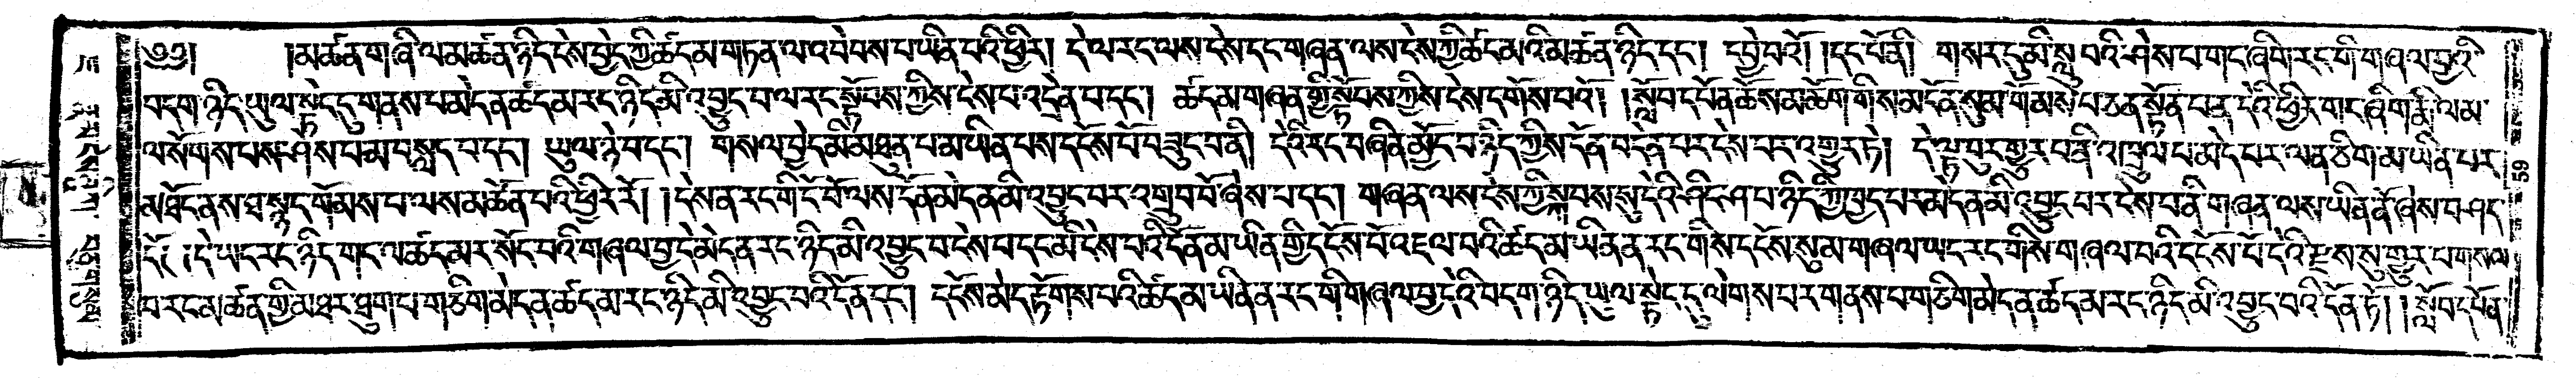༄༅། །མཚན་གཞི་ལ་མཚན་ཉིད་ངེས་བྱེད་ཀྱི་ཚད་མ་གཏན་ལ་འབེབས་པ་ཡིན་པའི་ཕྱིར། དེ་ལ་རང་ལས་ངེས་དང་གཞན་ལས་ངེས་ཀྱི་ཚད་མའི་མཚན་ཉིད་དང་། དབྱེ་བའོ། །དང་པོ་ནི། གསར་དུ་མི་སླུ་བའི་ཤེས་པ་གང་ཞིག་རང་གི་གཞལ་བྱའི་
བདག་ཉིད་ཡུལ་སྟེང་དུ་གནས་པ་མེད་ན་ཚད་མ་རང་ཉིད་མི་འབྱུང་བ་ལ་རང་སྟོབས་ཀྱིས་ངེས་པ་འདྲེན་པ་དང་། ཚད་མ་གཞན་གྱི་སྟོབས་ཀྱི་ངེས་དགོས་པའོ། །སློབ་དཔོན་ཆོས་མཆོག་གིས་མངོན་སུམ་གོམས་པ་ཅན་སྟོན་པ་ན་དེའི་ཕྱིར་གང་ཞིག་རྨི་ལམ་
ལ་སོགས་པས་ཤེས་པ་མ་བསླད་པ་དང་། ཡུལ་ཉེ་བ་དང་། གསལ་བྱེད་མི་མཐུན་པ་མ་ཡིན་པས་དངོས་པོ་བཟུང་བ་ནི། དེའི་རང་བཞིན་མྱོང་བ་ཉིད་ཀྱིས་དོན་བདེན་པར་ངེས་པར་འགྱུར་ཏེ། དེ་ལྟ་བུར་གྱུར་པ་ནི་འཁྲུལ་པ་མེད་པར་ལན་ཅིག་མ་ཡིན་པར་
མཐོང་ནས་ཐ་སྙད་གོམས་པ་ལས་མཚོན་པའི་ཕྱིར་རོ། །དེས་ན་རང་གི་ངོ་བོ་ལས་དོན་མེད་ན་མི་འབྱུང་བར་འགྲུབ་བོ་ཞེས་པ་དང་། གཞན་ལས་ངེས་ཀྱི་སྐབས་སུ་དེའི་ཤིང་ཤ་པ་ཉིད་ཀྱི་ཁྱད་པར་མེད་ན་མི་འབྱུང་བར་ངེས་པ་ནི་གཞན་ལས་ཡིན་ནོ་ཞེས་བཤད་
དོ། །དེ་ཡང་རང་ཉིད་གང་ལ་ཚད་མར་སོང་བའི་གཞལ་བྱ་དེ་མེད་ན་རང་ཉིད་མི་འབྱུང་བ་ངེས་པ་དང་མི་ངེས་པའི་དོན་མ་ཡིན་གྱི་དངོས་པོ་འཇལ་བའི་ཚད་མ་ཡིན་ན་རང་གིས་དངོས་སུ་མ་གཞལ་ཡང་རང་གིས་གཞལ་བའི་དངོས་པོ་དེའི་རྫས་སུ་གྱུར་པ་གསལ་
བ་རང་མཚན་གྱི་མཐར་ཐུག་པ་གཅིག་མེད་ན་ཚད་མ་རང་ཉིད་མི་འབྱུང་བའི་དོན་དང་། དངོས་མེད་རྟོགས་པའི་ཚད་མ་ཡིན་ན་རང་གི་གཞལ་བྱ་དེའི་བདག་ཉིད་ཡུལ་སྟེང་དུ་ལེགས་པར་གནས་པ་གཅིག་མེད་ན་ཚད་མ་རང་ཉིད་མི་འབྱུང་བའི་དོན་ཏོ། །སློབ་དཔོན་